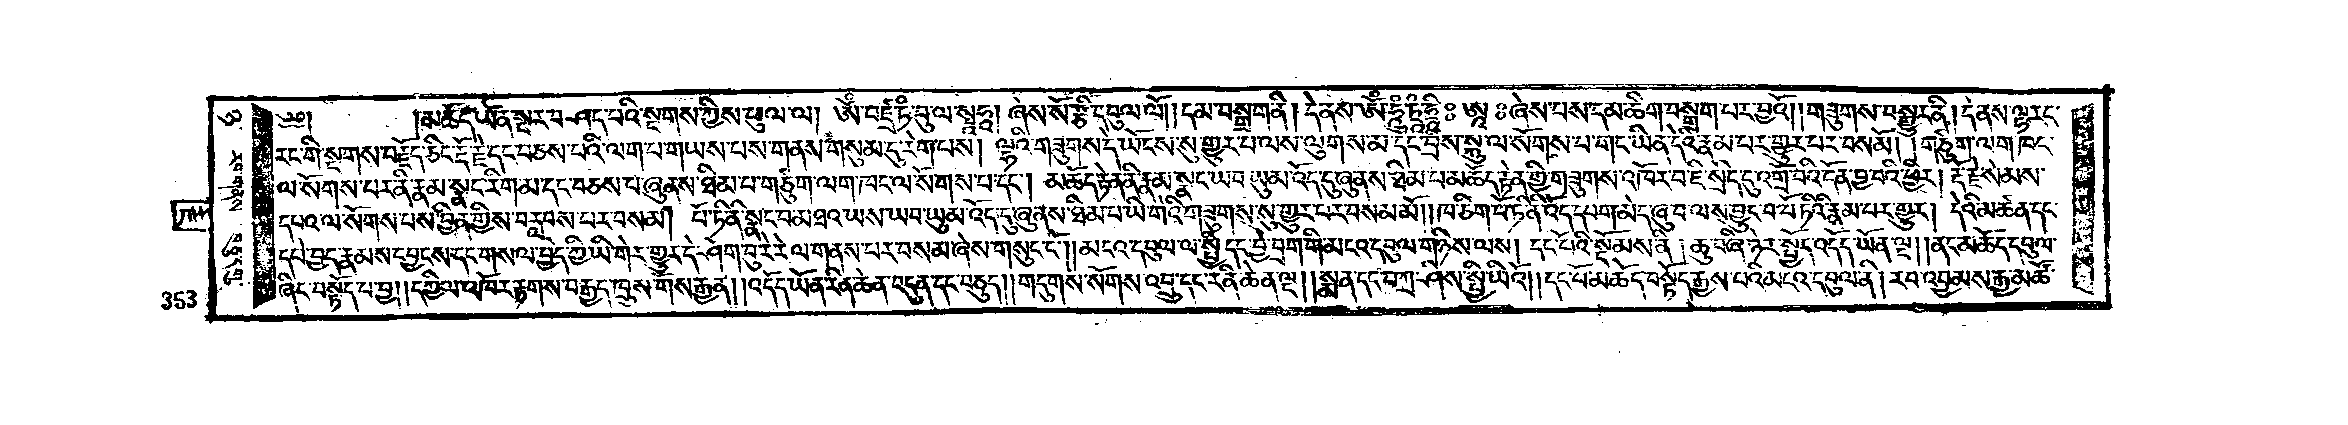༄༅། །མཆོད་ཡོན་སྔར་བཤད་པའི་སྔགས་ཀྱིས་ཕུལ་ལ། ཨོཾ་བཛྲ་ཏཾ་བུ་ལ་སྭཱཧཱ། ཞེས་སོ་རྩི་དབུལ་ལོ། །དམ་བསྒྲག་ནི། དེ་ནས་ཨོཾ་ཧཱུཾ་ཏྲཱཾ་ཧྲཱིཿ ཨཱཿ ཞེས་པས་དམ་ཚིག་བསྒྲག་པར་བྱའོ། །གཟུགས་བསྒྱུར་ནི། དེ་ནས་ལྷ་རང་
རང་གི་སྔགས་བརྗོད་ཅིང་རྡོ་རྗེ་དང་བཅས་པའི་ལག་པ་གཡས་པས་གནས་གསུམ་དུ་རེག་པས། ལྷའི་གཟུགས་དེ་ཡོངས་སུ་གྱུར་པ་ལས་ལུགས་མ་དང་བྲིས་སྐུ་ལ་སོགས་པ་གང་ཡིན་དེའི་རྣམ་པར་གྱུར་པར་བསམ་མོ། །གཙུག་ལག་ཁང་
ལ་སོགས་པར་ནི་རྣམ་སྣང་རིག་མ་དང་བཅས་པ་ཞུན་ནས་ཐིམ་པ་གཙུག་ལག་ཁང་ལ་སོགས་པ་དང་། མཆོད་རྟེན་ནི་རྣམ་སྣང་ཡབ་ཡུམ་འོད་དུ་ཞུ་ནས་ཐིམ་པ་མཆོད་རྟེན་གྱི་གཟུགས་འཁོར་བ་ཇི་སྲིད་དུ་འགྲོ་བའི་དོན་བྱ་བའི་ཕྱིར། རྡོ་རྗེ་སེམས་
དཔའ་ལ་སོགས་པས་བྱིན་གྱིས་བརླབས་པར་བསམ། པོ་ཏི་ནི་སྣང་བ་མཐའ་ཡས་ཡབ་ཡུམ་འོད་དུ་ཞུ་ནས་ཐིམ་པ་ཡི་གེའི་གཟུགས་སུ་གྱུར་པར་བསམ་མོ། །ཁ་ཅིག་པོ་ཏི་ནི་འོད་དཔག་མེད་ཞུ་བ་ལས་བྱུང་བ་པོ་ཏིའི་རྣམ་པར་གྱུར། དེའི་མཚན་དང་
དཔེ་བྱེད་རྣམས་དབྱངས་དང་གསལ་བྱེད་ཀྱི་ཡི་གེར་གྱུར་དེ་ཤེག་བུ་རེ་རེ་ལ་གནས་པར་བསམ་ཞེས་གསུང་ངོ། །མངའ་དབུལ་ལ་སྤྱི་དང་བྱེ་བྲག་གི་མངའ་དབུལ་གཉིས་ལས། དང་པོའི་སྡོམས་ནི། ཆུ་བཞི་ཉེར་སྤྱོད་འདོད་ཡོན་ལྔ། །ནང་མཆོད་དབུལ་
ཞིང་བསྟོད་པ་བྱ། །དཀྱིལ་འཁོར་རྟགས་བརྒྱད་ཁྲུས་གོས་རྒྱན། །འདོད་ཡོན་རིན་ཆེན་བདུན་དང་བཅུད། །གདུགས་སོགས་འབྲུ་དང་རིན་ཆེན་ལྔ། །སྨན་དང་བཀྲ་ཤིས་སྤྱི་ཡིའོ། །དང་པོ་མཆོད་བསྟོད་རྒྱས་པའི་མངའ་དབུལ་ནི། རབ་འབྱམས་རྒྱ་མཚོ་